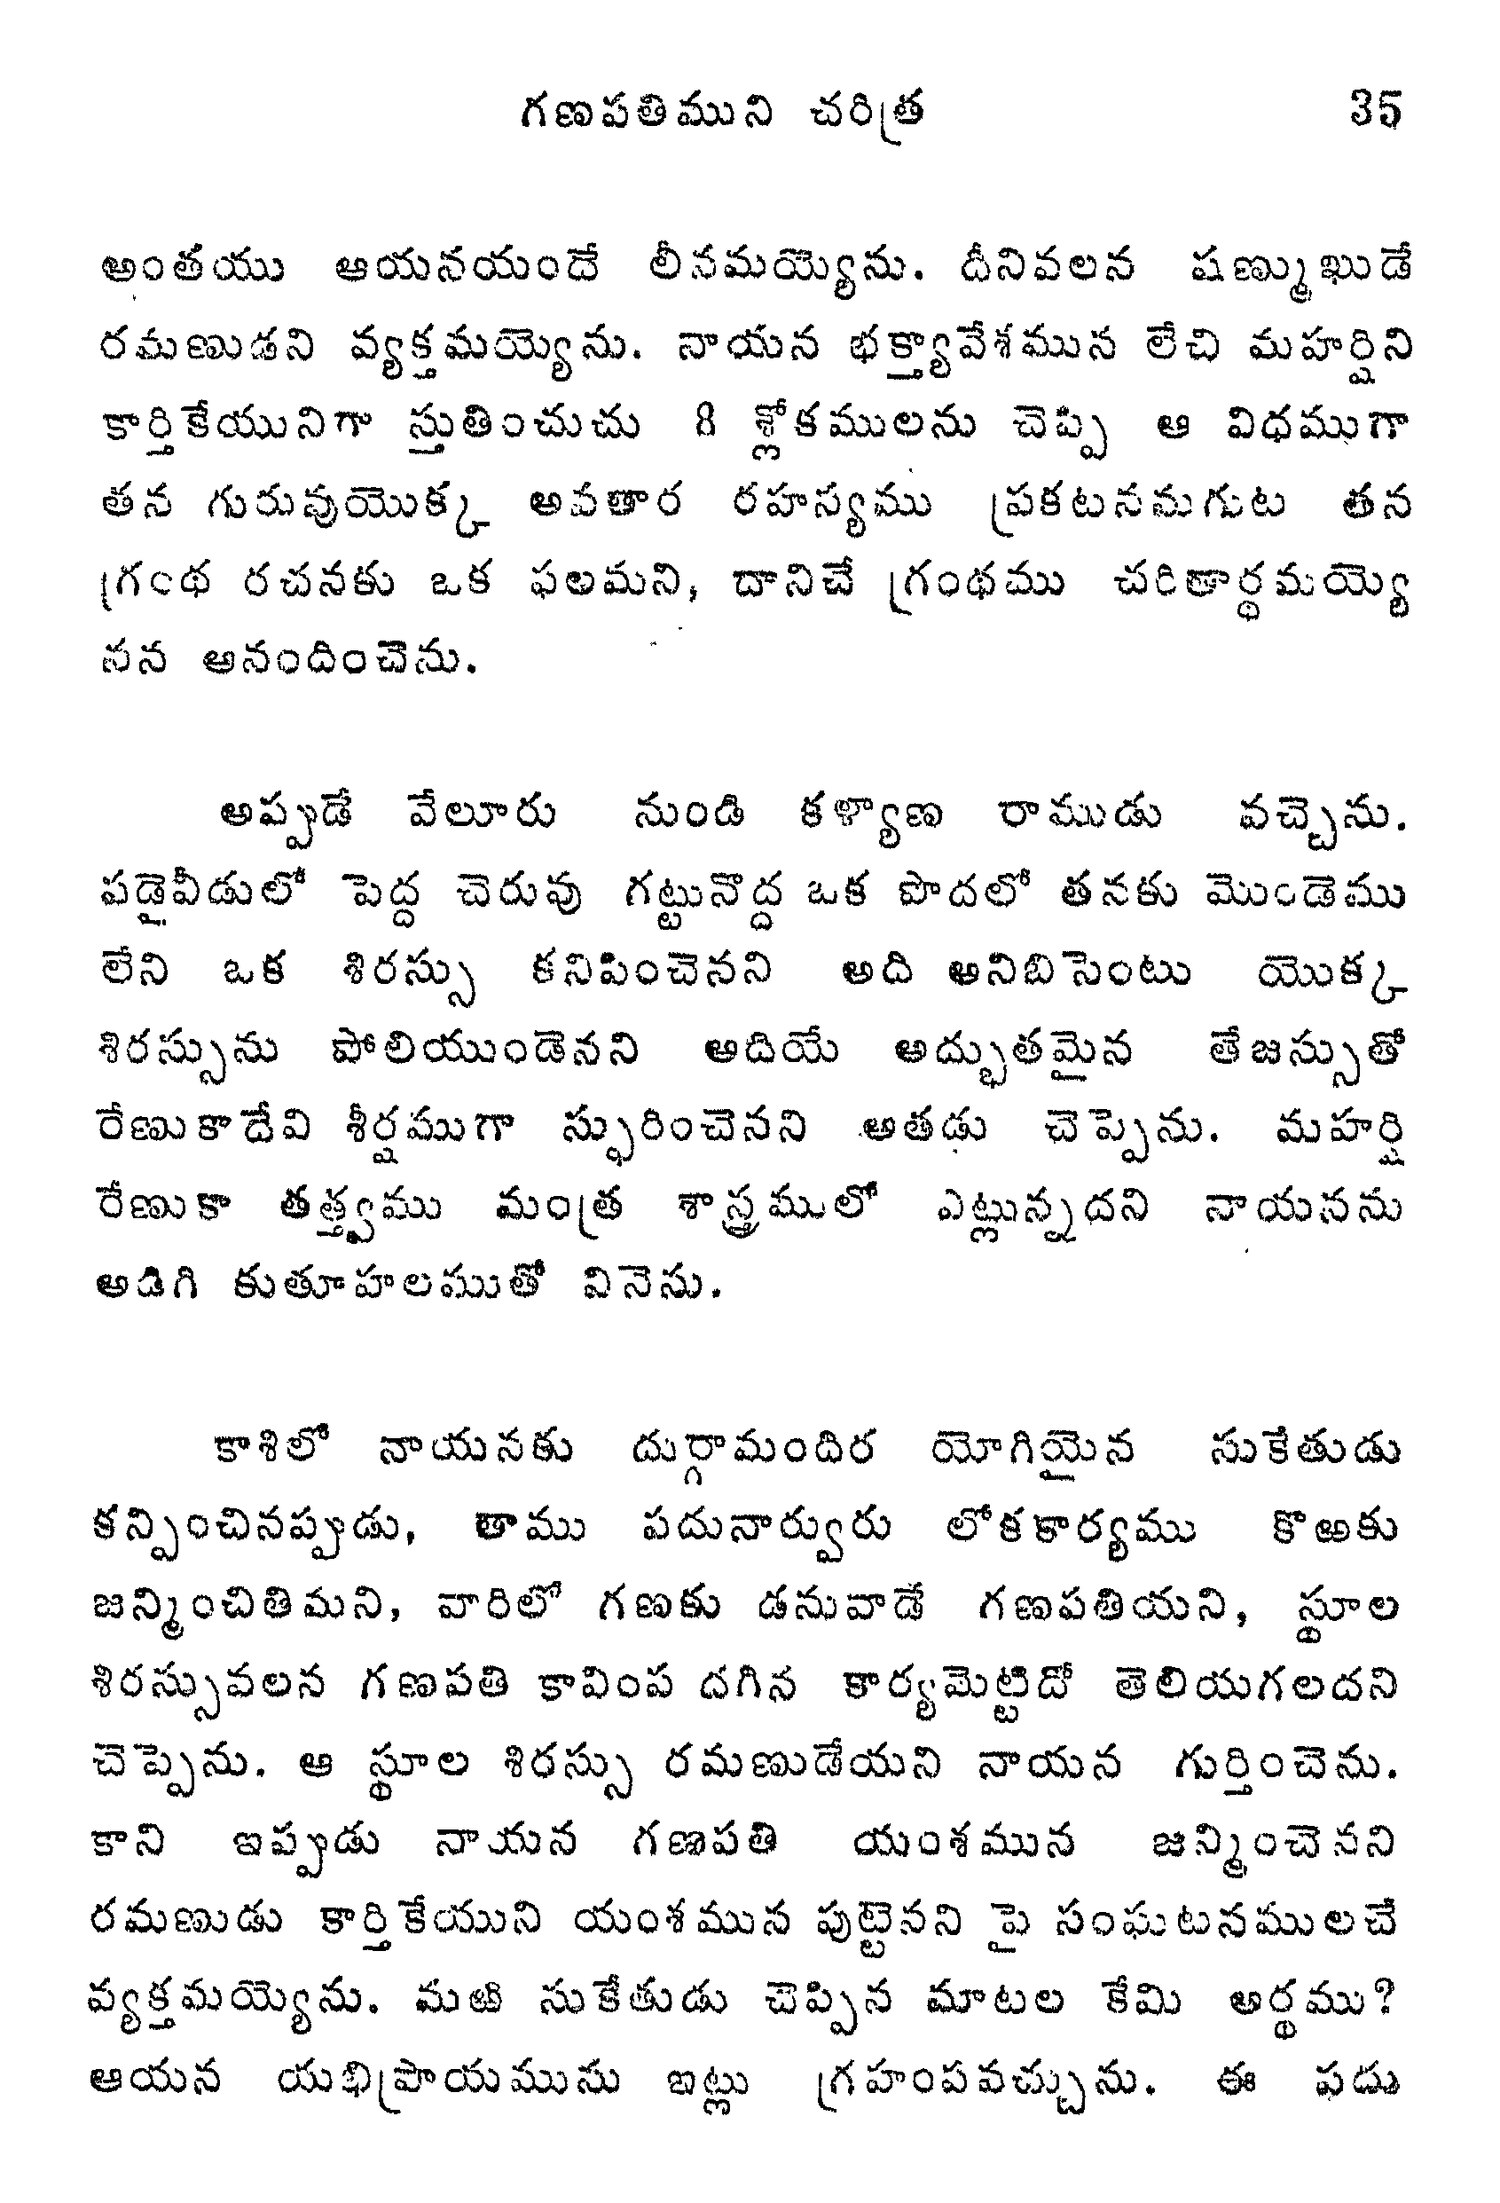అంతయు ఆయనయందే లీనమయ్యెను. దీనివలన షణ్ముఖుడే రమణుడని వ్యక్తమయ్యెను. నాయన భక్త్యావేశమున లేచి మహర్షిని కార్తికేయునిగా స్తుతించుచు 8 శ్లోకములను చెప్పి ఆ విధముగా తన గురువు యొక్క అవతార రహస్యము ప్రకటనమగుట తన గ్రంథ రచనకు ఒక ఫలమని, దానిచే గ్రంథము చరితార్థమయ్యెనన ఆనందించెను.

అప్పుడే వేలూరు నుండి కల్యాణ రాముడు వచ్చెను. పడైవీడులో పెద్ద చెరువు గట్టునొద్ద ఒక పొదలో తనకు మొండెము లేని ఒక శిరస్సు కనిపించెనని అది అనిబిసెంటు యొక్క శిరస్సును పోలియుండెనని అదియే అద్భుతమైన తేజస్సుతో రేణుకాదేవి శీర్షముగా స్ఫురించెనని అతడు చెప్పెను. మహర్షి రేణుకా తత్త్వము మంత్ర శాస్త్రములో ఎట్లున్నదని నాయనను అడిగి కుతూహలముతో వినెను.

కాశిలో నాయనకు దుర్గామందిర యోగియైన సుకేతుడు కన్పించినప్పుడు, తాము పదునార్వురు లోకకార్యము కొఱకు జన్మించితిమని, వారిలో గణకు డనువాడే గణపతియని, స్థూల శిరస్సువలన గణపతి కావింప దగిన కార్యమెట్టిదో తెలియగలదని చెప్పెను. ఆ స్థూల శిరస్సు రమణుడేయని నాయన గుర్తించెను. కాని ఇప్పుడు నాయన గణపతి యంశమున జన్మించెనని రమణుడు కార్తికేయుని యంశమున పుట్టెనని పై సంఘటనములచే వ్యక్తమయ్యెను. మఱి సుకేతుడు చెప్పిన మాటల కేమి అర్థము? ఆయన యభిప్రాయమును ఇట్లు గ్రహింపవచ్చును. ఈ పదు